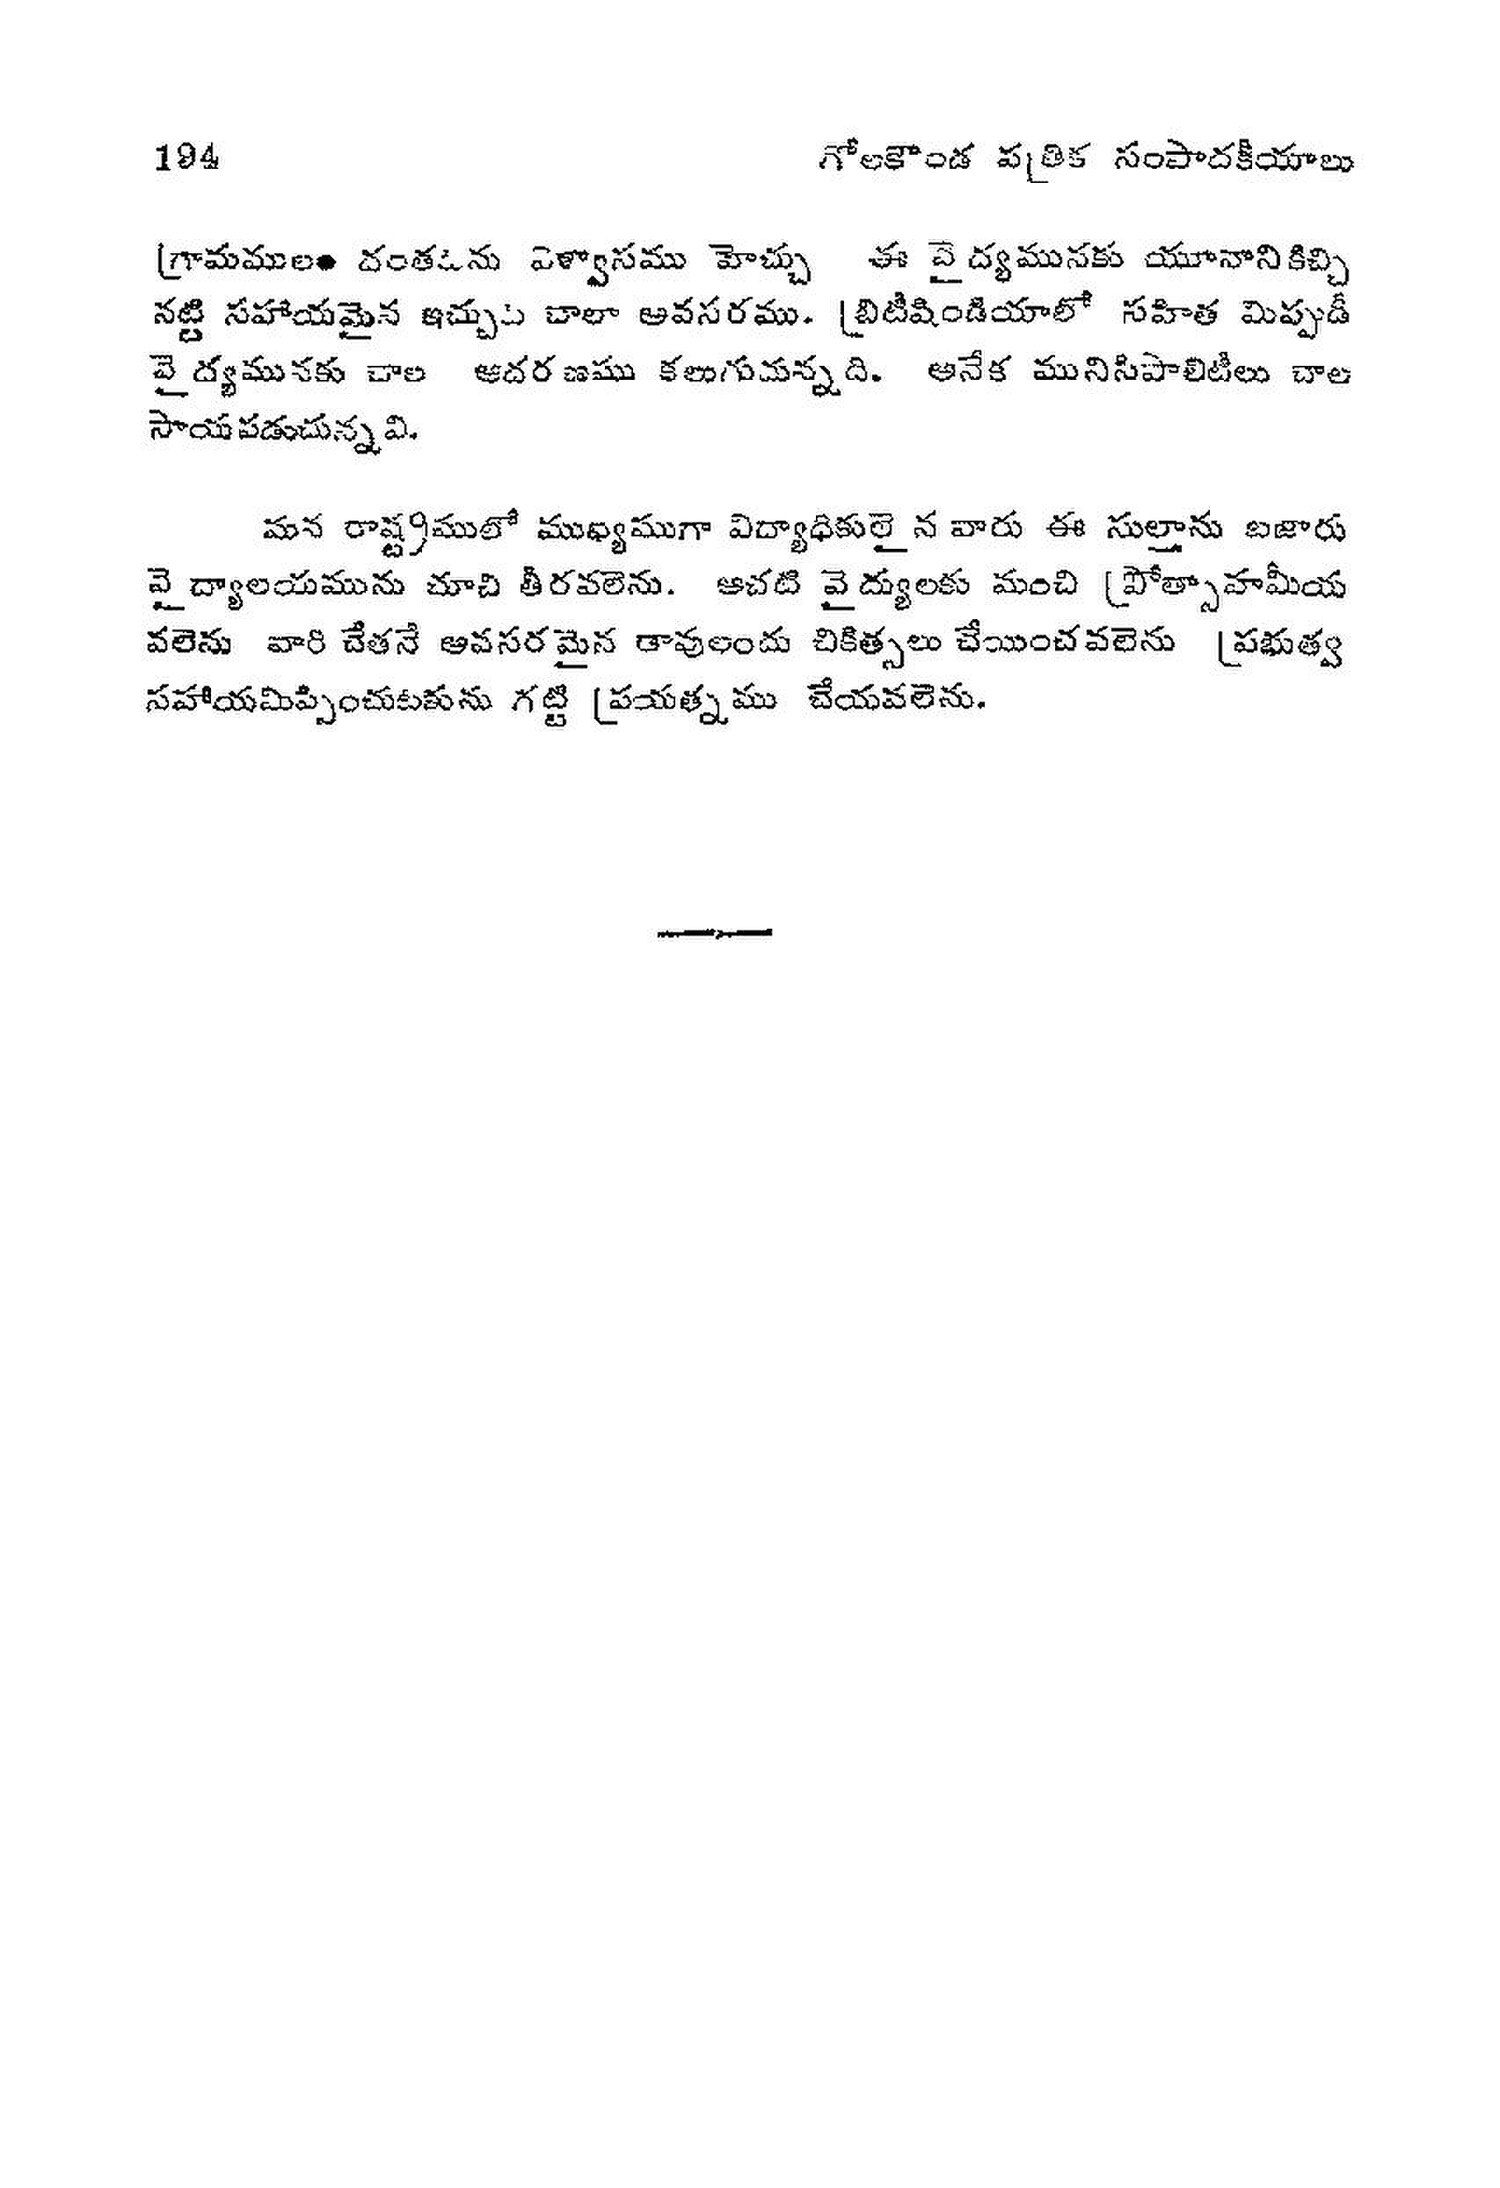గ్రామములం దంతటను విశ్వాసము హెచ్చు ఈ వైద్యమునకు యూనానికిచ్చినట్టి సహాయమైన ఇచ్చుట చాలా అవసరము. బ్రిటీషిండియాలో సహిత మిప్పుడీ వైద్యమునకు చాల ఆదరణము కలుగుచున్నది. అనేక మునిసిపాలిటీలు చాల సాయపడుచున్నవి.

మన రాష్ట్రములో ముఖ్యముగా విద్యాధికులైన వారు ఈ సుల్తాను బజారు వైద్యాలయమును చూచి తీరవలెను. అచటి వైద్యులకు మంచి ప్రోత్సాహమీయవలెను వారి చేతనే అవసరమైన తావులందు చికిత్సలు చేయించవలెను ప్రభుత్వ సహాయమిప్పించుటకును గట్టి ప్రయత్నము చేయవలెను.